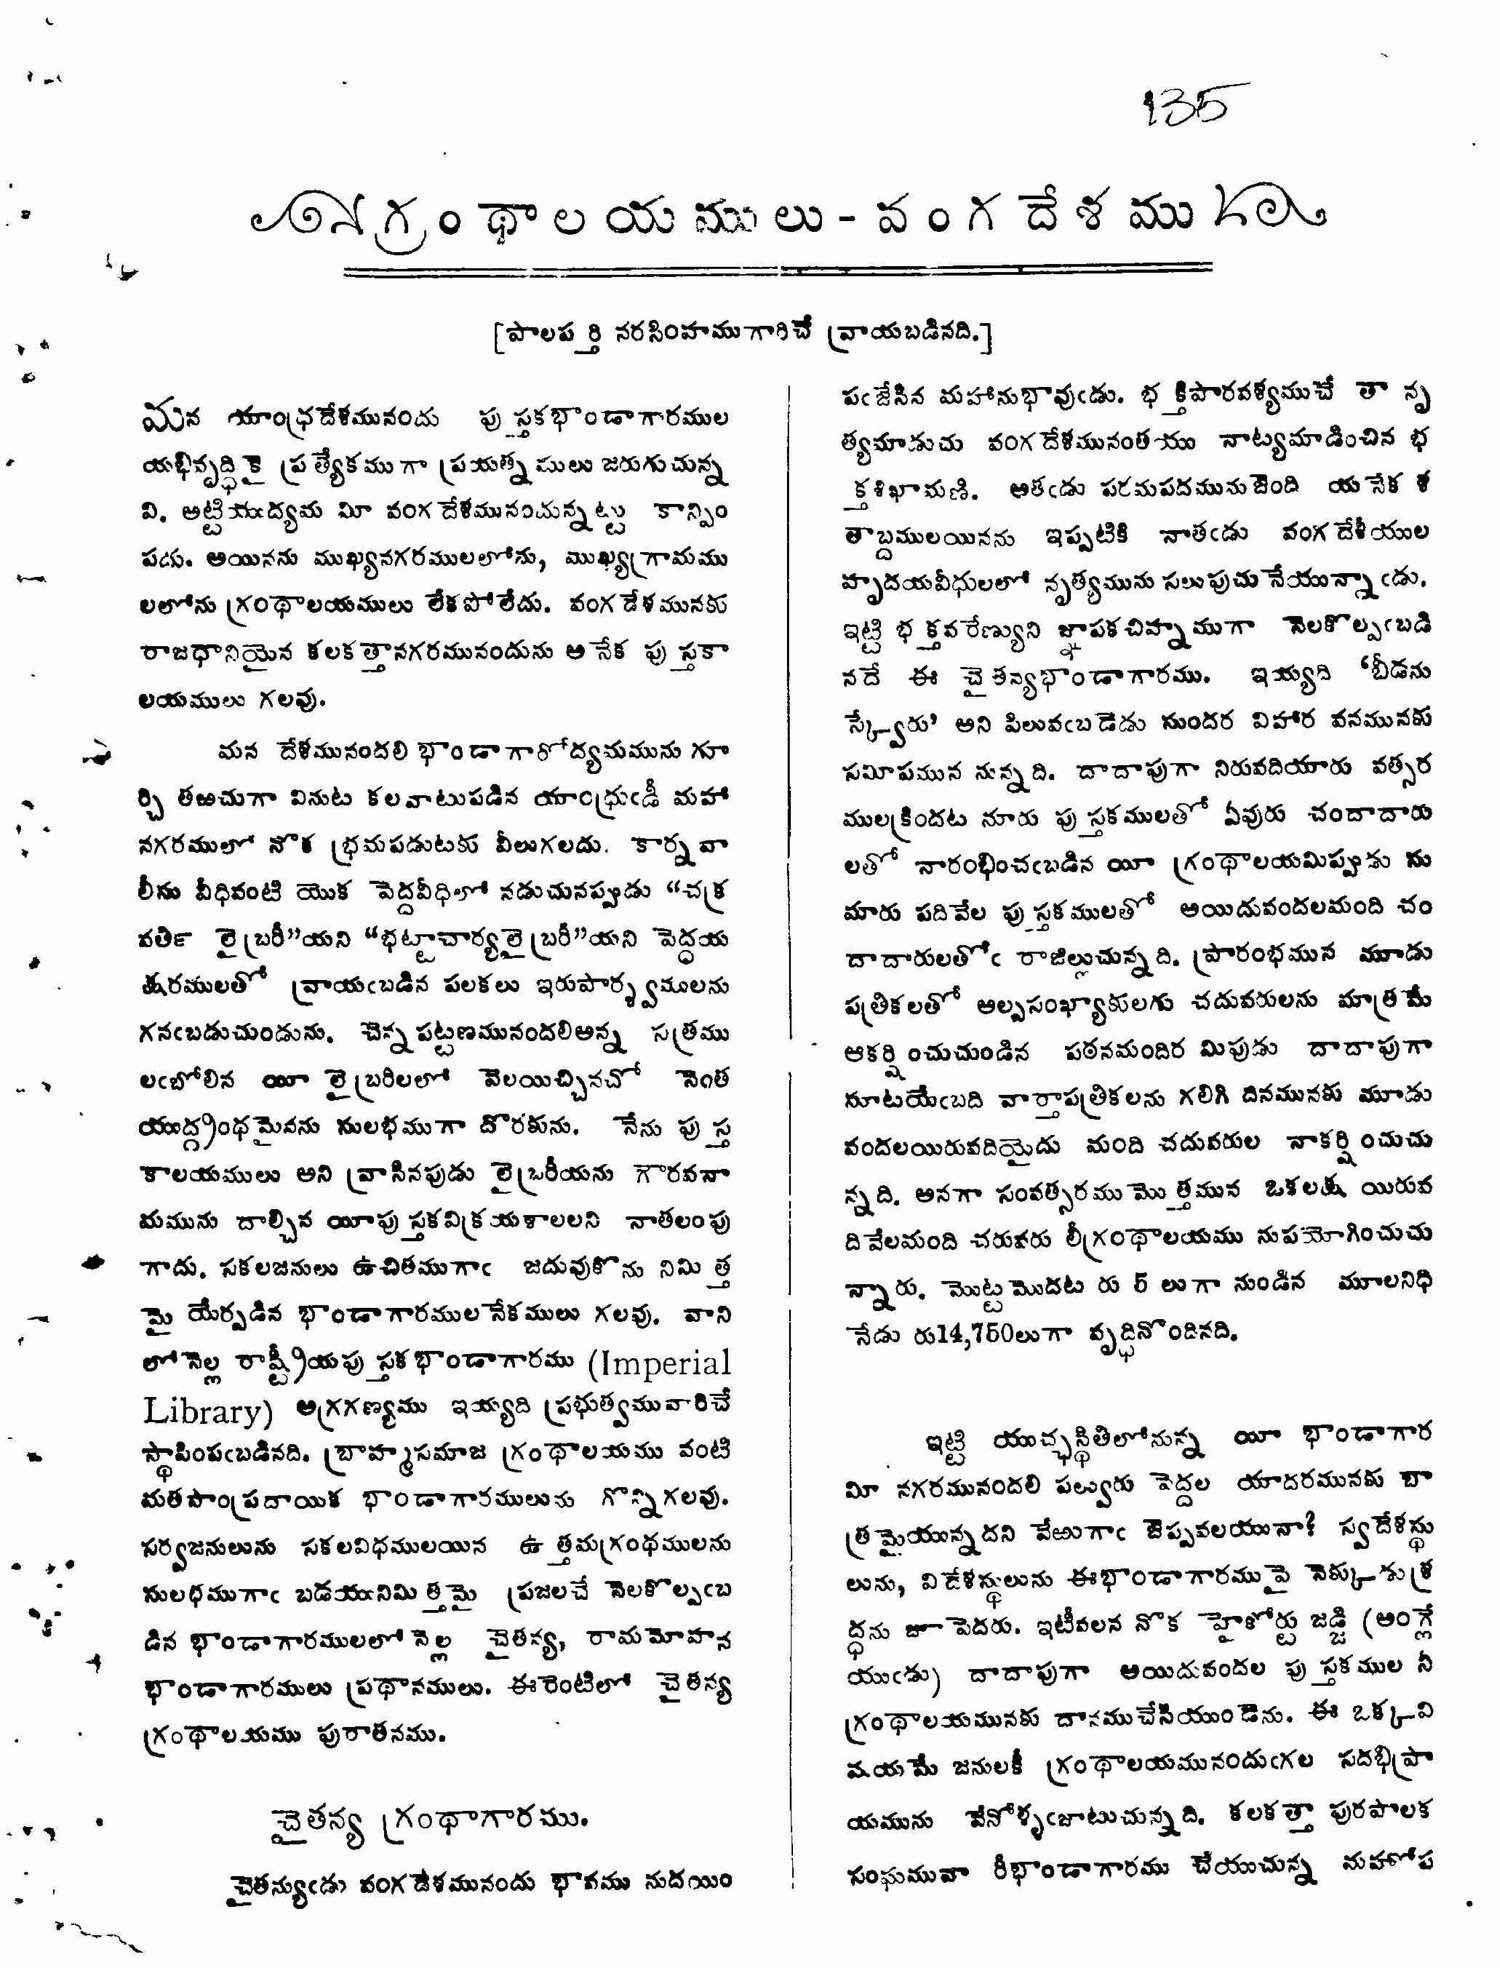మన యాంధ్రదేశమునందు పుస్తకభాండాగారముల
యభివృద్ధి కై ప్రత్యేకముగా ప్రయత్నములు జరుగుచున్నవి. అట్టి యద్యమమీ వంగ దేశమునందున్నట్టు కాన్పింపదు. అయినను ముఖ్యనగరములలోను, ముఖ్య గ్రామములలోను గ్రంథాలయములు లేకపోలేదు. వంగదేశమునకు
రాజధాని యైన కలకత్తా నగరమునందును అనేక పుస్తకాలయములు గలవు.

మన దేశమునందలి భాండాగారోద్యమమును గూర్చి 
తఱచుగా వినుట కలవాటుపడిన యాంధ్రుఁడీ మహా
నగరములో నొక భ్రమపడుటకు వీలుగలదు.'కార్నవాలీను వీధివంటి యొక పెద్దవీధిలో నడుచునప్పుడు “చక్రపతి౯ లైబ్రరీ”యని “భట్టాచార్యలైబ్రరీ" యని పెద్దయక్షరములతో వ్రాయఁబడిన పలకలు ఇరుపార్శ్వములను గనఁబడుచుండును. చెన్న పట్టణమునందలి అన్నసత్రములఁ బోలిన యీ లైబ్రరీలలో వెలయిచ్చినచో నెంత యుద్గ్రంధమైనను సులభముగా దొరకును. నేను పుస్త
కాలయములు అని వ్రాసినపుడు లైబ్రరీయను గౌరవనామమును దాల్చిన యీపుస్తక విక్రయశాలలని నాతలంపు గాదు, సకలజనులు ఉచితముగాఁ జదువుకొను నిమిత్తమై యేర్పడిన భాండాగారములనేకములు గలవు. వాని
లోనెల్ల రాష్ట్రీయ పుస్తక భాండాగారము (Imperial
Library) అగ్రగణ్యము ఇయ్యది ప్రభుత్వము వారిచే
స్థాపింపఁబడినది. బ్రాహ్మసమాజ గ్రంథాలయము వంటి
మత సాంప్రదాయిక భాండాగారములును గొన్నిగలవు.
సర్వజనులును సకలవిధములయిన ఉత్తమ గ్రంథములను
సులభముగాఁ బడయు నిమిత్తమై ప్రజలచే నెలకొల్పఁబ
డిన భాండాగారములలో నెల్ల చైతన్య, రామమోహన
భాండాగారములు ప్రథానములు. ఈ రెంటిలో చైతన్య
గ్రంథాలయము పురాతనము.
చైతన్య గ్రంథాగారము.
చైతన్యుఁడు వంగదేశమునందు భావము నుదయింపఁజేసిన మహానుభావుఁడు. భక్తిపారవశ్యముచే తా నృత్యమాడుచు వంగ దేశమునంతయు నాట్యమాడించిన భక్త 
శిఖామణి. అతఁడు పరమపదమును జెంది యనేక శతాబ్దములయినను ఇప్పటికి నాతఁడు వంగ దేశీయుల హృదయ వీధులలో నృత్యమును సలుపుచు నేయున్నాఁడు,
ఇట్టి భక్తవరేణ్యుని జ్ఞాపక చిహ్నముగా నెలకొల్పఁబడినదే ఈ చైతన్యభాండాగారము. ఇయ్యది 'బీడను స్క్వేరు' అని పిలువఁబడెడు సుందర విహార వనమునకు
సమీపమున నున్నది. దాదాపుగా నిరువది యారువత్సరములక్రిందట నూరు పుస్తకములతో ఏవురు చందాదారులతో నారంభించఁబడిన యీ గ్రంథాలయమిప్పుడు సుమారు పదివేల పుస్తకములతో అయిదువందలమంది చందాదారులతోఁ విరాజిల్లుచున్నది. ప్రారంభమున మూడు
పత్రికలతో అల్పసంఖ్యాకులగు చదువరులను మాత్రమే
ఆకర్షించుచుండిన పఠనమందిరమిపుడు దాదాపుగా
సూటయేఁబది వార్తాపత్రికలను గలిగి దినమునకు మూడు
వందల యిరువదియైదు మంది చదువరుల నాకర్షించిన్నది. అనగా సంవత్సరము మొత్తమున ఒక లక్ష యిరువది వేలమంది చరువరులీ గ్రంథాలయము నుపయోగించుచున్నారు. మొట్టమొదట రు.5 లుగా నుండిన మూలనిధి నేడు రు.14,750లు గా వృద్ధినొందినది.

ఇట్టి యుచ్ఛస్థితిలో నున్న యీ భాండాగారమి నగరమునందలి పల్వురు పెద్దల యాదరమునకు బాత్రమైయున్నదని వేఱుగాఁ జెప్పవలయునా? స్వదేశస్థులును, విదేశస్థులును ఈభాండాగారముపై నెక్కుడు శ్రద్ధను జూపెదరు. ఇటీవలన నొక హైకోర్టు జడ్జి (ఆంగ్లేయుఁడు) దాదాపుగా అయిదువందల పుస్తకములు నీ గ్రంథాలయమునకు దానము చేసియుండెను. ఈ ఒక్క విషయమే జనులకీ గ్రంథాలయమునందుఁగల సదభిప్రాయమును వేనోళ్ళఁజాటుచున్నది. కలకత్తా పురపాలక
సంఘము వారీభాండాగారము చేయుచున్న మహోప